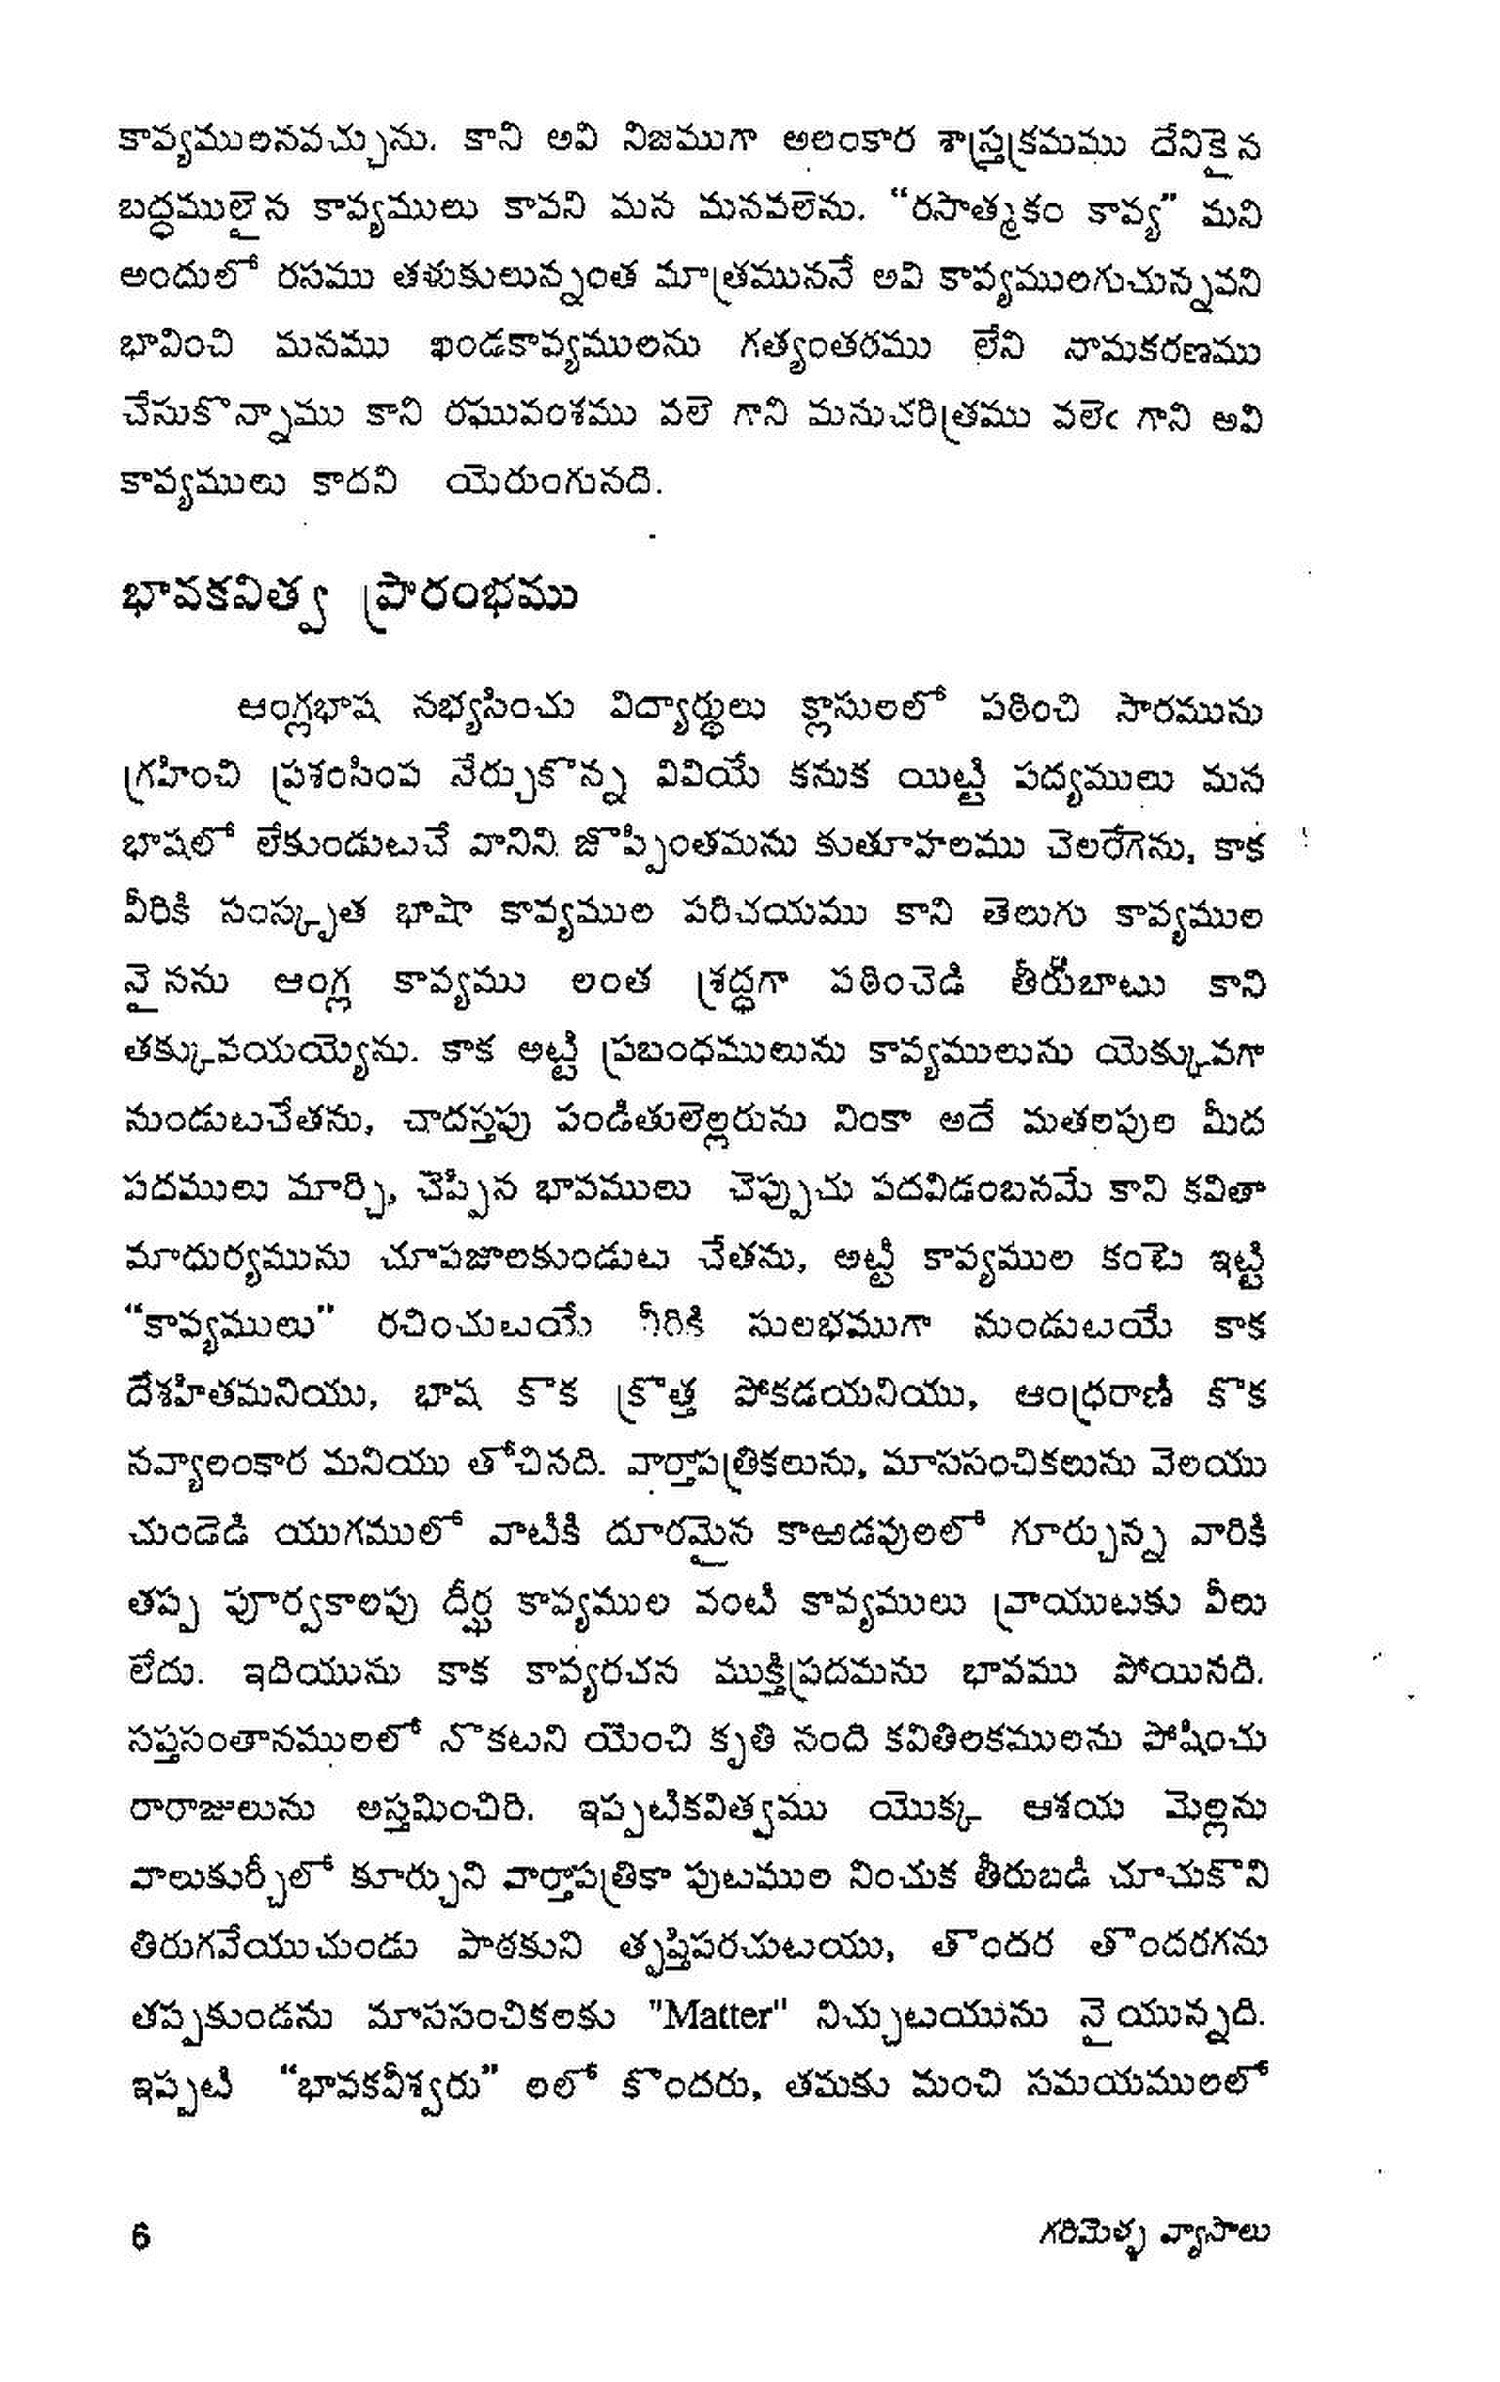కావ్యములనవచ్చును. కాని అవి నిజముగా అలంకార శాస్త్రక్రమము దేనికైన బద్దములైన కావ్యములు కావని మన మనవలెను. "రసాత్మకం కావ్య" మని అందులో రసము తళుకులున్నంత మాత్రముననే అవి కావ్యములగుచున్నవని భావించి మనము ఖండకావ్యములను గత్యంతరము లేని నామకరణము చేసుకొన్నాము కాని రఘువంశము వలె గాని మనుచరిత్రము వలెఁ గాని అవి కావ్యములు కాదని యెరుంగునది.

భావకవిత్వ ప్రారంభము

ఆంగ్లభాష నభ్యసించు విద్యార్థులు క్లాసులో పఠించి సారమును గ్రహించి ప్రశంసింప నేర్చుకొన్న వివియే కనుక యిట్టి పద్యములు మన భాషలో లేకుండుటచే వానిని జొప్పింతమను కుతూహలము చెలరేగెను. కాక వీరికి సంస్కృత భాషా కావ్యముల పరిచయము కాని తెలుగు కావ్యముల నైనను ఆంగ్ల కావ్యము లంత శ్రద్ధగా పఠించెడి తీరుబాటు కాని తక్కువయయ్యెను. కాక అట్టి ప్రబంధములును కావ్యములును యెక్కువగా నుండుటచేతను, చాదస్తపు పండితులెల్లరును నింకా అదే మతలపుల మీద పదములు మార్చి, చెప్పిన భావములు చెప్పుచు పదవిడంబనమే కని కవితా మాధుర్యమును చూపజాలకుండుట చేతను, అట్టి కావ్యముల కంటె ఇట్టి "కావములు" రచించుటయే వీరికి సులభముగా నుండుటయే కాక దేశహితమనియు, భాష కొక క్రొత్త పోకడయనియు, ఆంధ్రరాణి కొక నవ్యాలంకార మనియు తొచినది. వార్తాపత్రికలును, మాససంచికలను వెలయుచుండెడి యుగములో వాటికి దూరమైన కాఱడవులలో గూర్చున్న వారికి తప్ప పూర్వకాలపు దీర్ఘ కావ్యముల వంటి కావ్యములు వ్రాయుటకు వీలు లేదు. ఇదియును కాక కావ్యరచన ముక్తిప్రదమను భావము పోయినది. సప్తసంతానములలో నొకటని యెంచి కృతి నంది కవితిలకములను పోషించు రారాజులును అస్తమించిరి. ఇప్పటికవిత్వము యొక్క ఆశయ మెల్లను వాలుకుర్చీలో కూర్చుని వార్తాపత్రికా పుటముల నించుక తీరుబడి చూచుకొని తిరుగవేయచుండు పాఠకుని తృప్తిపరచుటయు, తొందర తొందరగను తప్పకుండను మాససంచికలకు "Matter" నిచ్చుటయును నైయున్నది ఇప్పటి "భావకవీశ్వరు" లలో కొందరు, తమకు మంచి సమయములలో